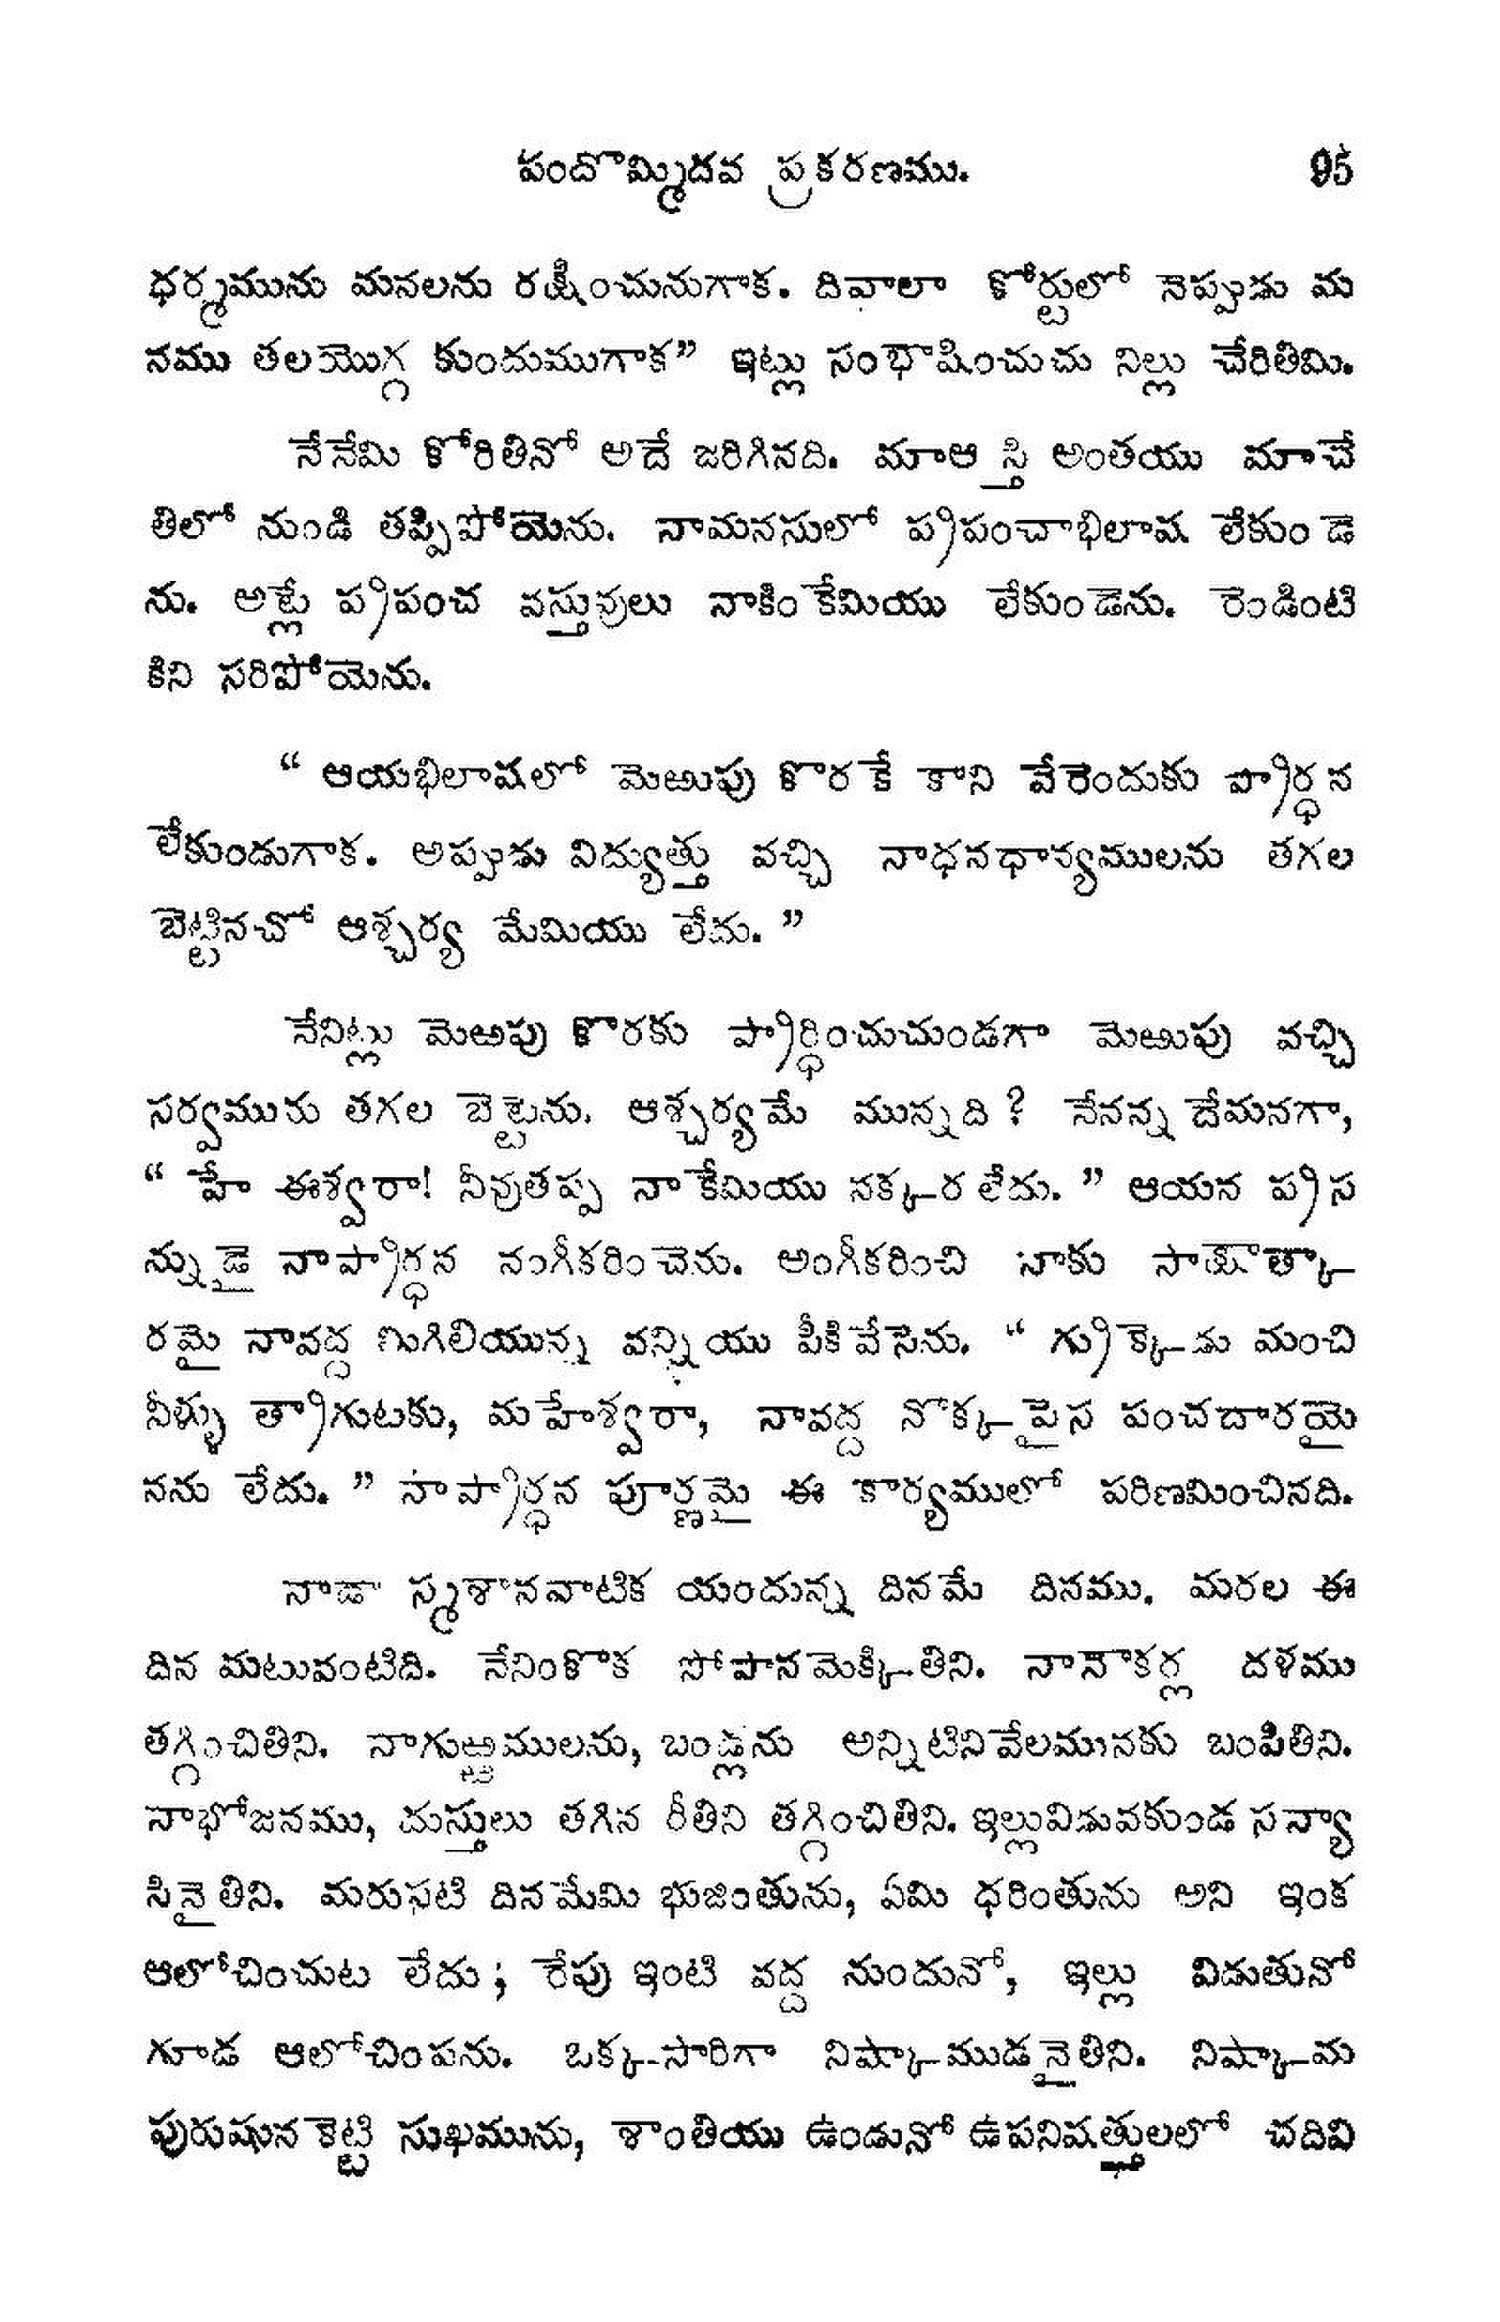ధర్మమును మనలను రక్షించునుగాక. దివాలా కోర్టులో నెప్పుడు 
మనము తల మొగ్గ కుందుము గాక” ఇట్లు సంభాషించుచు నిల్లు 
చేరితిమి.నేనేమి కోరితినో అదే జరిగినది. మా ఆస్తి అంతయు 
మాచేతిలో నుండి తప్పిపోయెను. నామనసులో ప్రపంచాభిలాష 
లేకుండెను. అట్లే ప్రపంచ వస్తువులు నాకిం కేమియు లేకుండెను. 
రెండింటికిని సరిపోయెను.

“ ఆయభిలాషలో 'మెఱుపు కొరకే కాని వేరేందుకు పార్ధన
లేకుండు గాక. అప్పుడు విద్యుత్తు వచ్చి నాధన ధాన్యములను తగల
బెట్టినచో ఆశ్చర్య మేమియు లేదు. ”

నేనిట్లు మెఱపు కొరకు పాప్రార్ధించు చుండగా మెఱుపు వచ్చి
సర్వమును తగుల బెట్టెను. ఆశ్చర్యమే మున్నది ? నేనన్న దేమనగా,
" హే ఈ్వరా! నీవు తప్ప నా కేమియు నక్కర లేదు. ” ఆయన 
ప్రసన్నుడై నాప్రార్ధన నంగీకరించెను. అంగీకరించి నాకు సాక్షాత్కా
రమై నావద్ద మిగిలియున్న వన్నియు పీకి వేసేను. “ గుక్కెడు మంచి
నీళ్ళు తాగుటకు, మహేశ్వరా, నావద్ద నొక్క పైస పంచదారయై
నను లేదు. " నాప్రార్దన పూర్ణమై ఈ కార్యములో పరిణమించినది.

నాడాస్మశాన వాటిక యందున్న దినమే దినము. మరల ఈ
దిన మటువంటిది. నేనింకొక సోపాన మెక్కితిని. నానౌకర్ల దళము
తగ్గించితిని, నాగుర్రములను, బండ్లను అన్నిటిని వేలమునకు 
బంపితిని. నాభోజనము, దుస్తులు తగిన రీతిని తగ్గించితిని. 
ఇల్లు విడువకుండ సన్యాసినై తిని, మరుసటి దినమేమి 
భుజింతును, ఏమి ధరింతును అని ఇంక ఆలోచించుట లేదు; 
రేపు ఇంటి వద్ద నుందునో, ఇల్లు విడుతునో గూడ ఆలోచింపను. 
ఒక్క సారిగా నిష్కాముడనైతిని. నిష్కామపురుషున కెట్టి 
సుఖమును, శాంతియు ఉండునో ఉపనిషత్తులలో చదివి